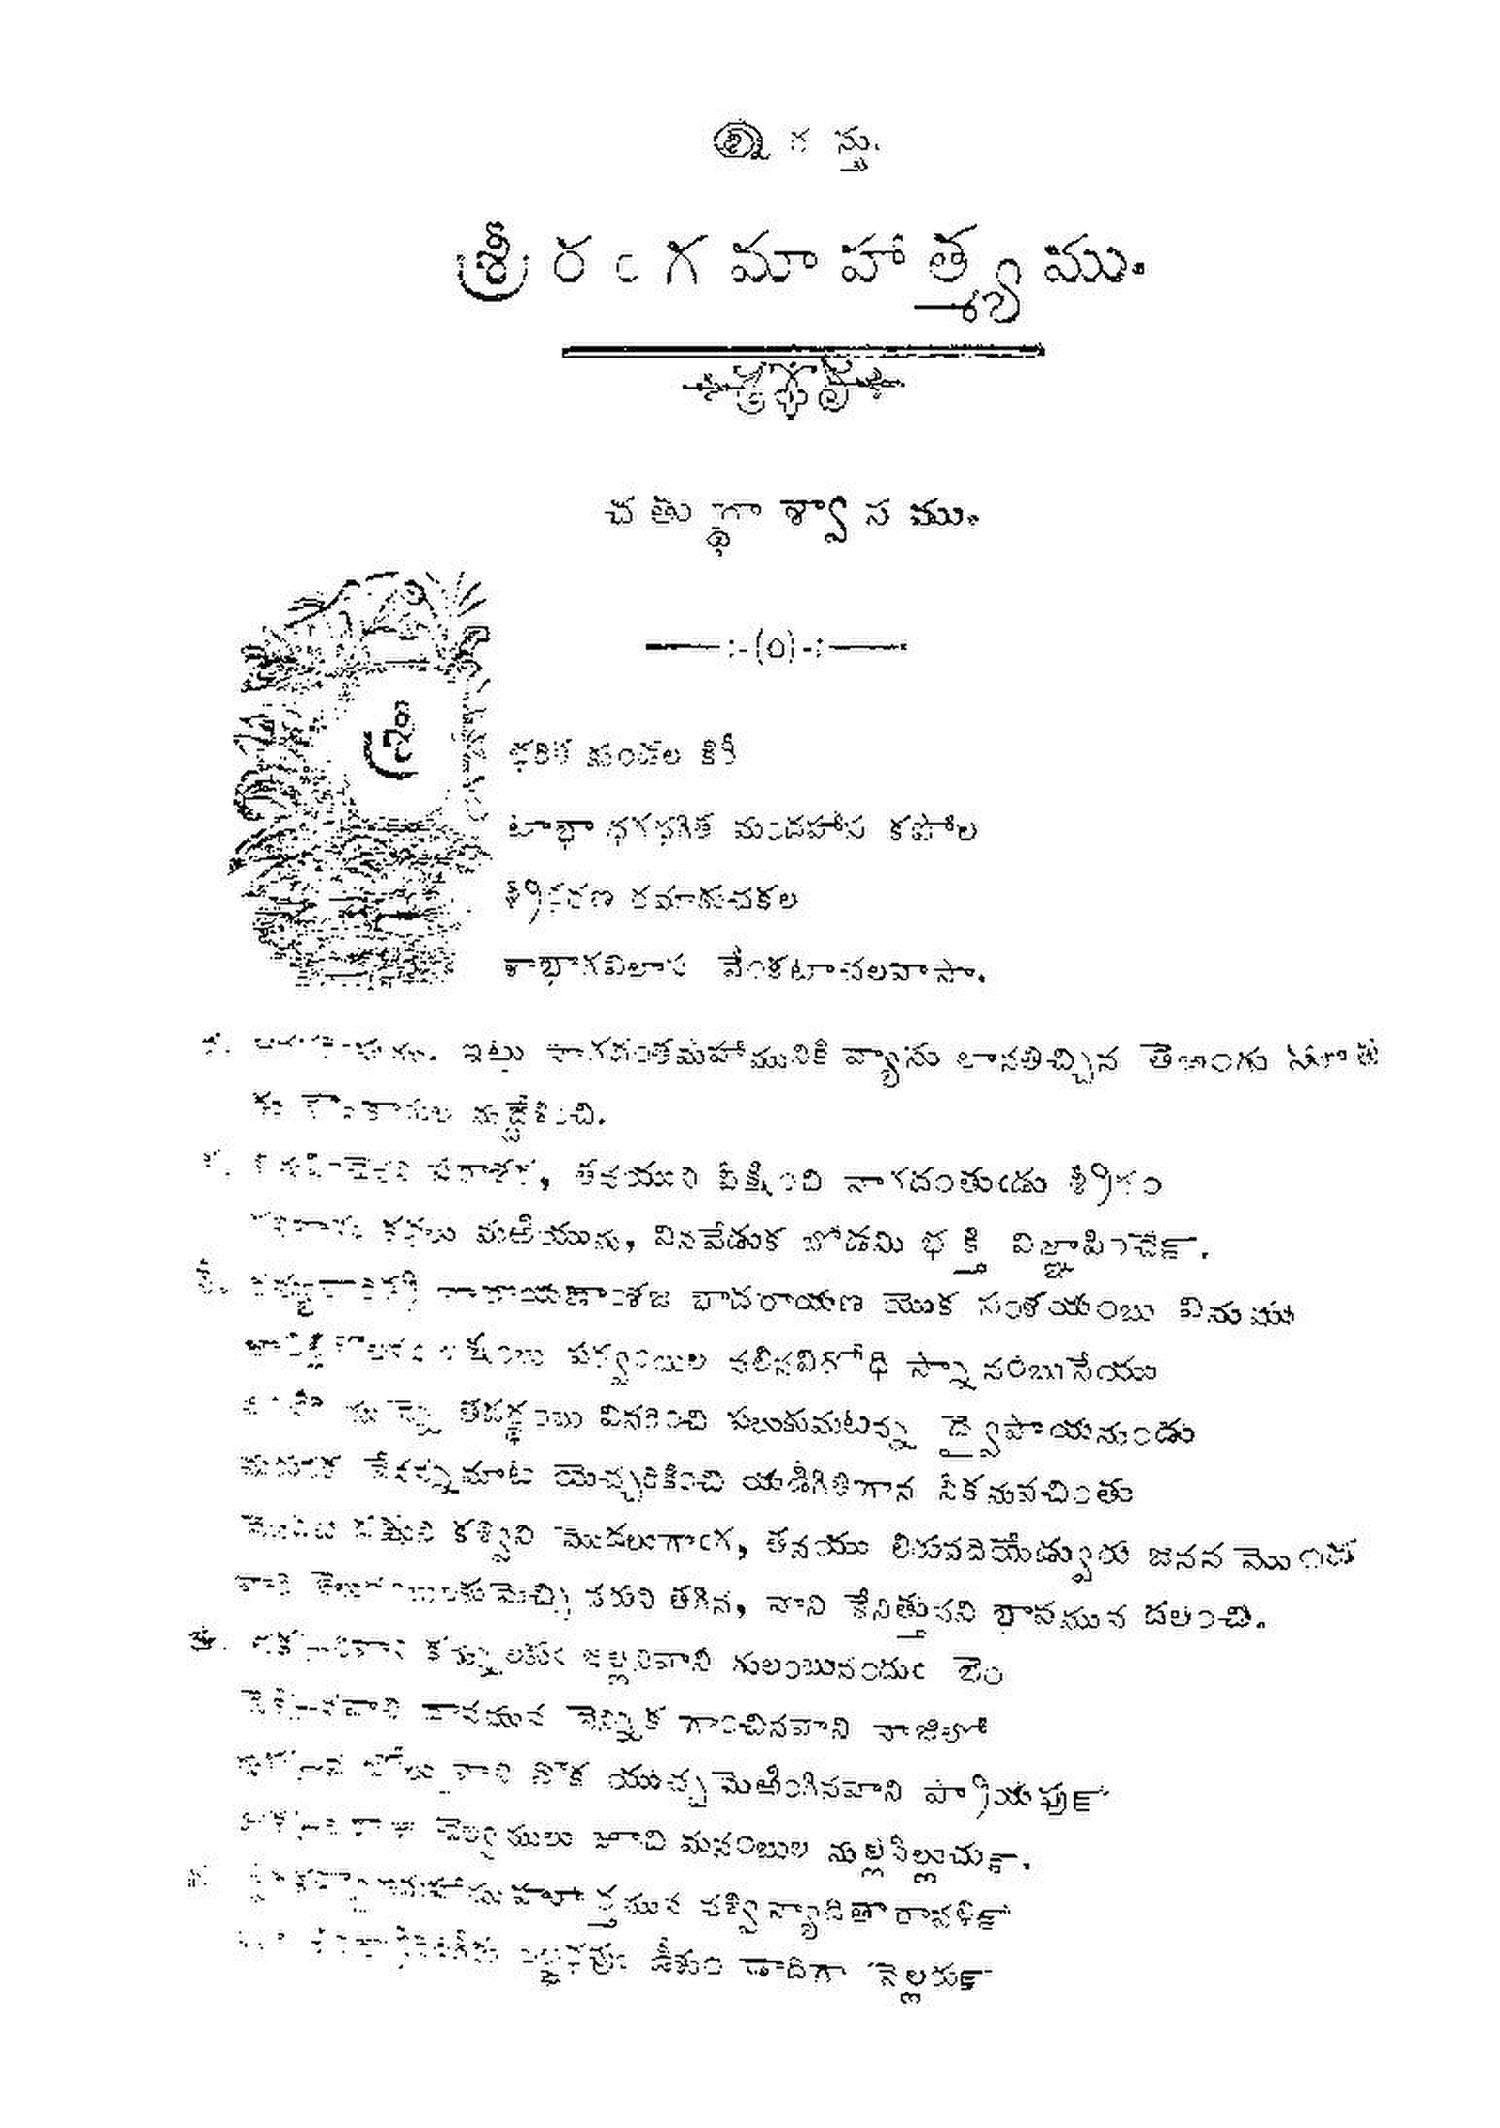శ్రీభరితకుండలకిరీ
 టాభాధగధగిత మందహాస కపోల
 శ్రీభరణ రమాకుచకల
 శాభాగవిలాస వేంకటాచలవాసా.
వ. అవధరింపుము. ఇట్లు నాగదంతమహామునికి వ్యాసు లానలిచ్చిన తెఱంగు సూతుఁ
 డుశౌనకాదుల నుద్దేశించి.
క. వినుపించెనని పరాశర, తనయుని వీక్షించి నాగదంతుఁడు శ్రీరం
 గనివాసు కథలు మఱియును, వినవేడుక బొడమి భక్తి విజ్ఞాపించెన్.
సీ. రమ్యచారిత్ర నారాయణాంశజ బాదరాయణ యొక సంశయంబు వినుము
 జాబిల్లికొలనం బక్షంబు పర్వంబుల నలినవిరోధి స్నానంబు సేయు
 వంటికి మున్నె తదర్థంబు వివరించి పలుకుమటన్న ద్వైపాయనుండు
 నుడువక నేనన్నమాట యెచ్చరికించి యడిగితిగాన నీ కనువచింతు
 మొదట దక్షుని కశ్విని మొదలుగాఁగ, తనయు లిరువదియేడ్వురు జనన మొంద
 వారిఁ జెలువంబులకు మెచ్చి వరుని తగిన, వాని కేనిత్తునని భావమున దలంచి.
ఉ. చక్కనివాని కన్నులకుఁ జల్లనివాని గులంబునందుఁ బెం
 పెక్కినవాని దానమున నెన్నిక గాంచినవాని నాజిలో
 నుక్కున బోల్చువాని నొక యుచ్చమెఱింగినవాని ప్రాయపున్
 జుక్కలరాజు చెల్వములు జాచి మనంబుల నుల్లసిల్లుచున్.
మ. వరకల్యాణమహాముహూర్తమున వశ్విన్యాదితారావళిన్
 సుర లింద్రాదిదిగీశు లబ్జభవుఁ డీశుం డాదిగా నెల్లరున్